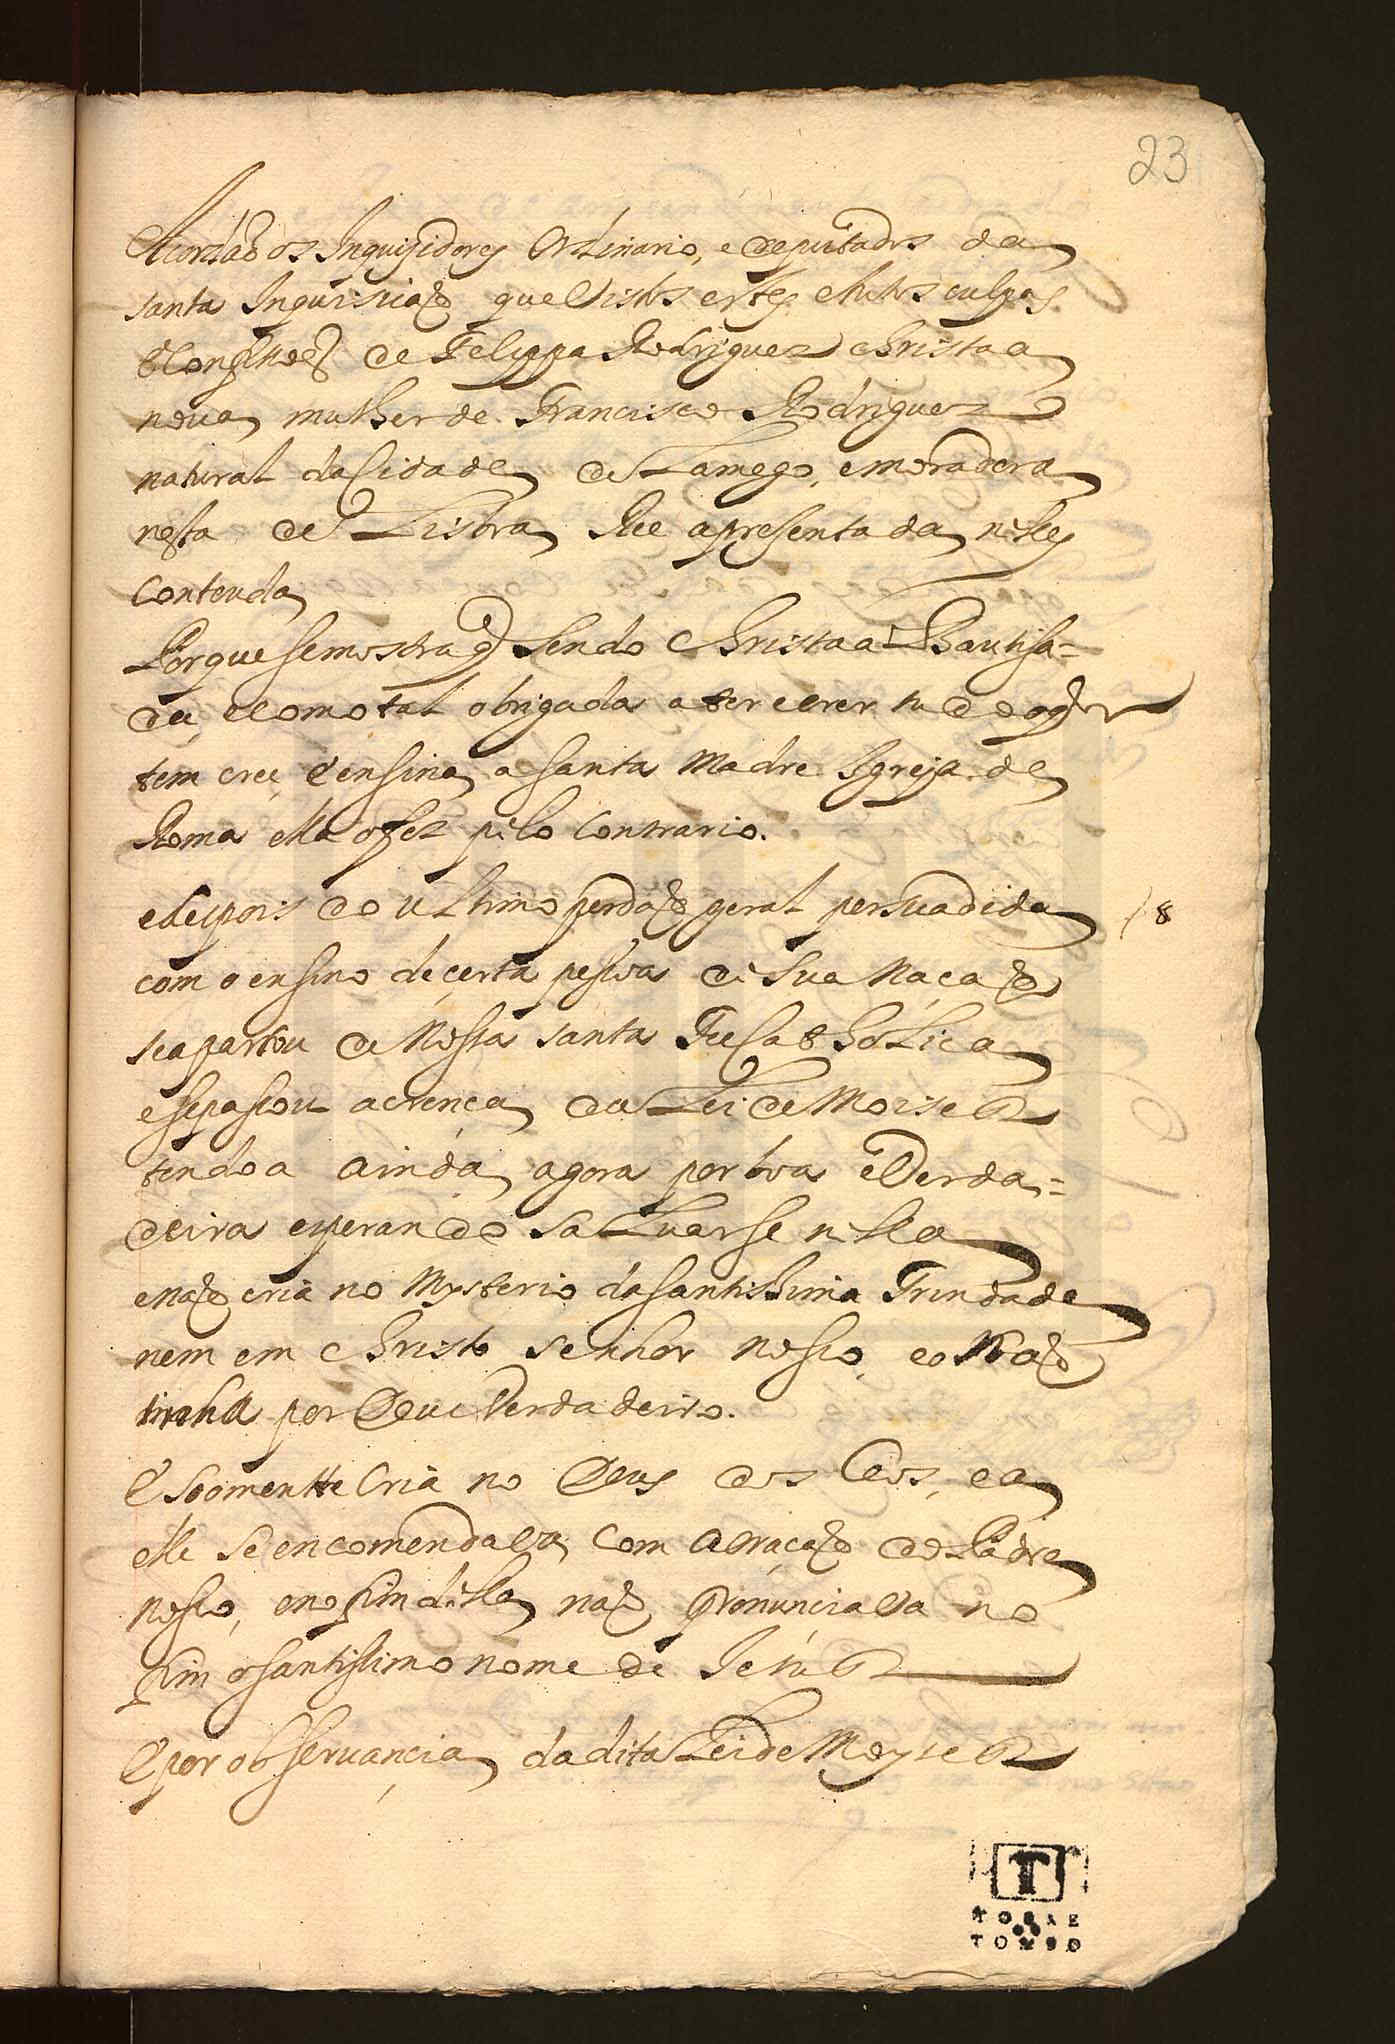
Acordão os Inquizidores Ordinario, e deputados da
santa Inquisicaõ que vistos estes Autos culpas
E Confissoẽs de Felippa Rodriguez christaa
noua mulher de Francisco Rodriguez
natural da Cidade de Lamego, e moradora
nesta de Lisboa Ree aprezentada nestes
conteuda
Porque se mostra q̅ Sendo christaa Bautisa
da, e como tal obrigada a ter e crer tudo o q̅
tem cree, e ensina a santa madre Igreja de
Roma ella o fez pelo contrario.
e depois do ultimo perdaõ geral persuadida
com o ensino de çerta pessoa de sua naçaõão
se apartou de nossa santa Fee Catholica
e se passou a crença da Lei de Moises
tendo a ainda agora por boa e Verda
deira esperando saLuarse nella
e naõ cria no mysterio da santissima Trindade
nem em christo senhor nosso e o naõ
tinha por Deus verdadeiro.
E soomentte cria no Deus dos Ceos, e a
elle se encomendava com a oração do Padre
nosso, e no fim della naõ pronunçiava no
fim o santissimo nome de Jesus
E por obseruançia da dita Lei de Moyses
